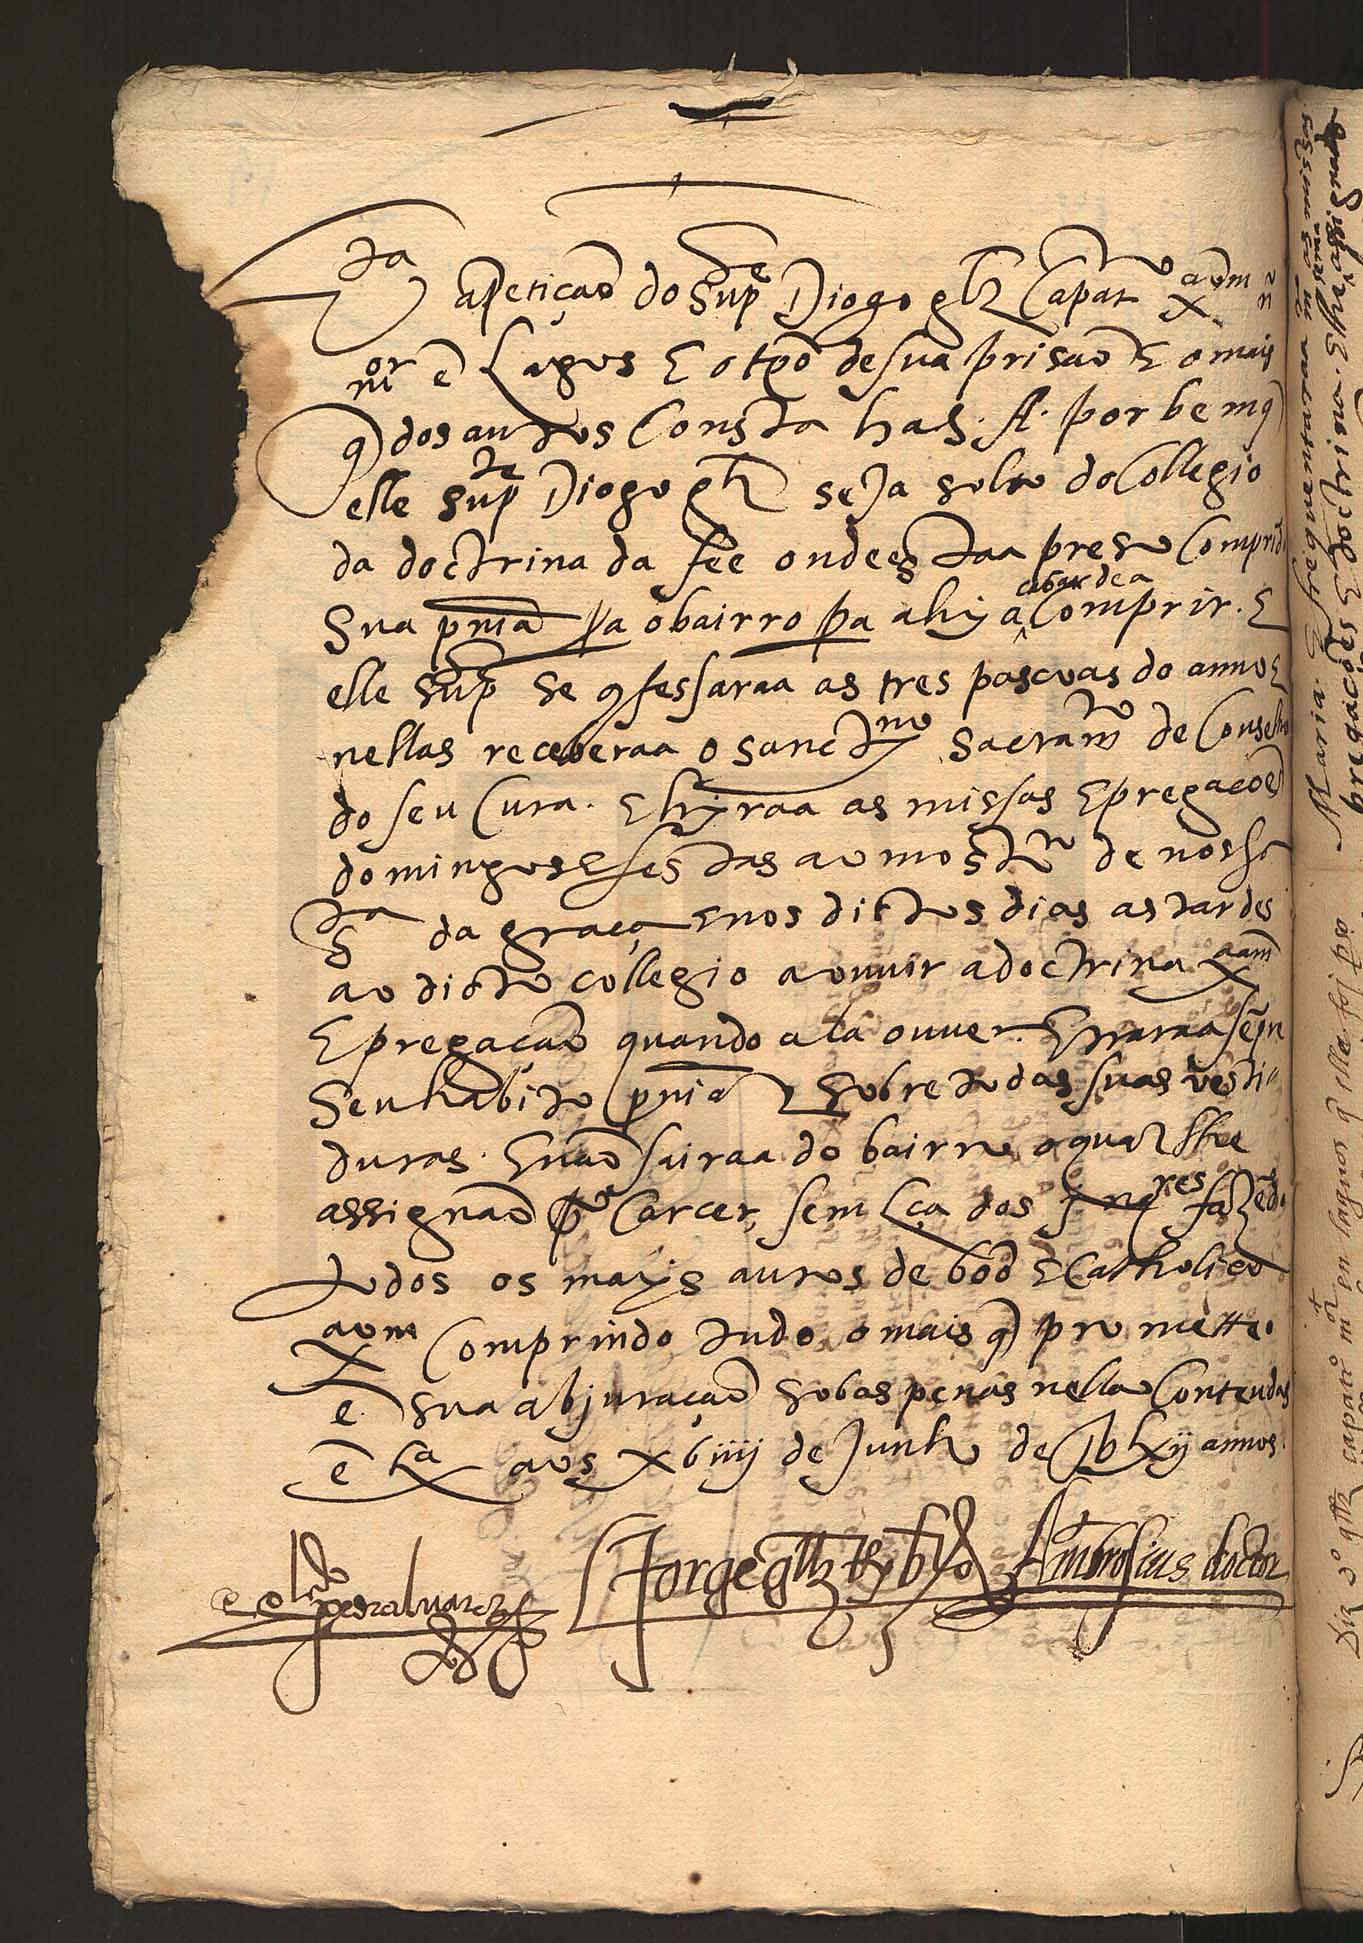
Vta a Petição do supte Diogo gl̄z Çapatro Xaom no
mor ē Lagos E o tp̄o de sua prisão E o mais
q̄ dos autos Consta ha S. A. por bem q̄
elle supte Diogo ḡlz seJa solto do Collegio
da doctrina da fee onde estaa preso Comprīd
Sua p̄nia ꝑa o bairro ꝑa ahy a
cabar de a
Comprir E
elle supte se ꝯfessaraa as tres pascoas do anno E
nellas receberaa o sanctmo sacramto de Conselho
do seu Cura. E hyraa as missas E pregações
domingos E sestas ao mostro de nossa
Sra da graça E nos dictos dias as tardes
ao dicto collegio a ouuir a doctrina Xaām
E pregação quando a la ouuer. E traraa sēpre
Seu habito pn̄iaL sobre todas suas vesti
duras. E não sairaa do bairro o qual lhe
assignão p̄o Carcer sem Lça dos Jnqres fazēdo
todos os mays autos de bōo E Catholico
Xaom Comprindo tudo o mais q̄ prometteo
ē sua abjuraçaõ sob as penas nella Conteudas
ē lxa aos xbiiij de Junho de jblxij annos
Jorge ḡllz Rybro
Ambrosius doctor
Ldo pedraluarez
